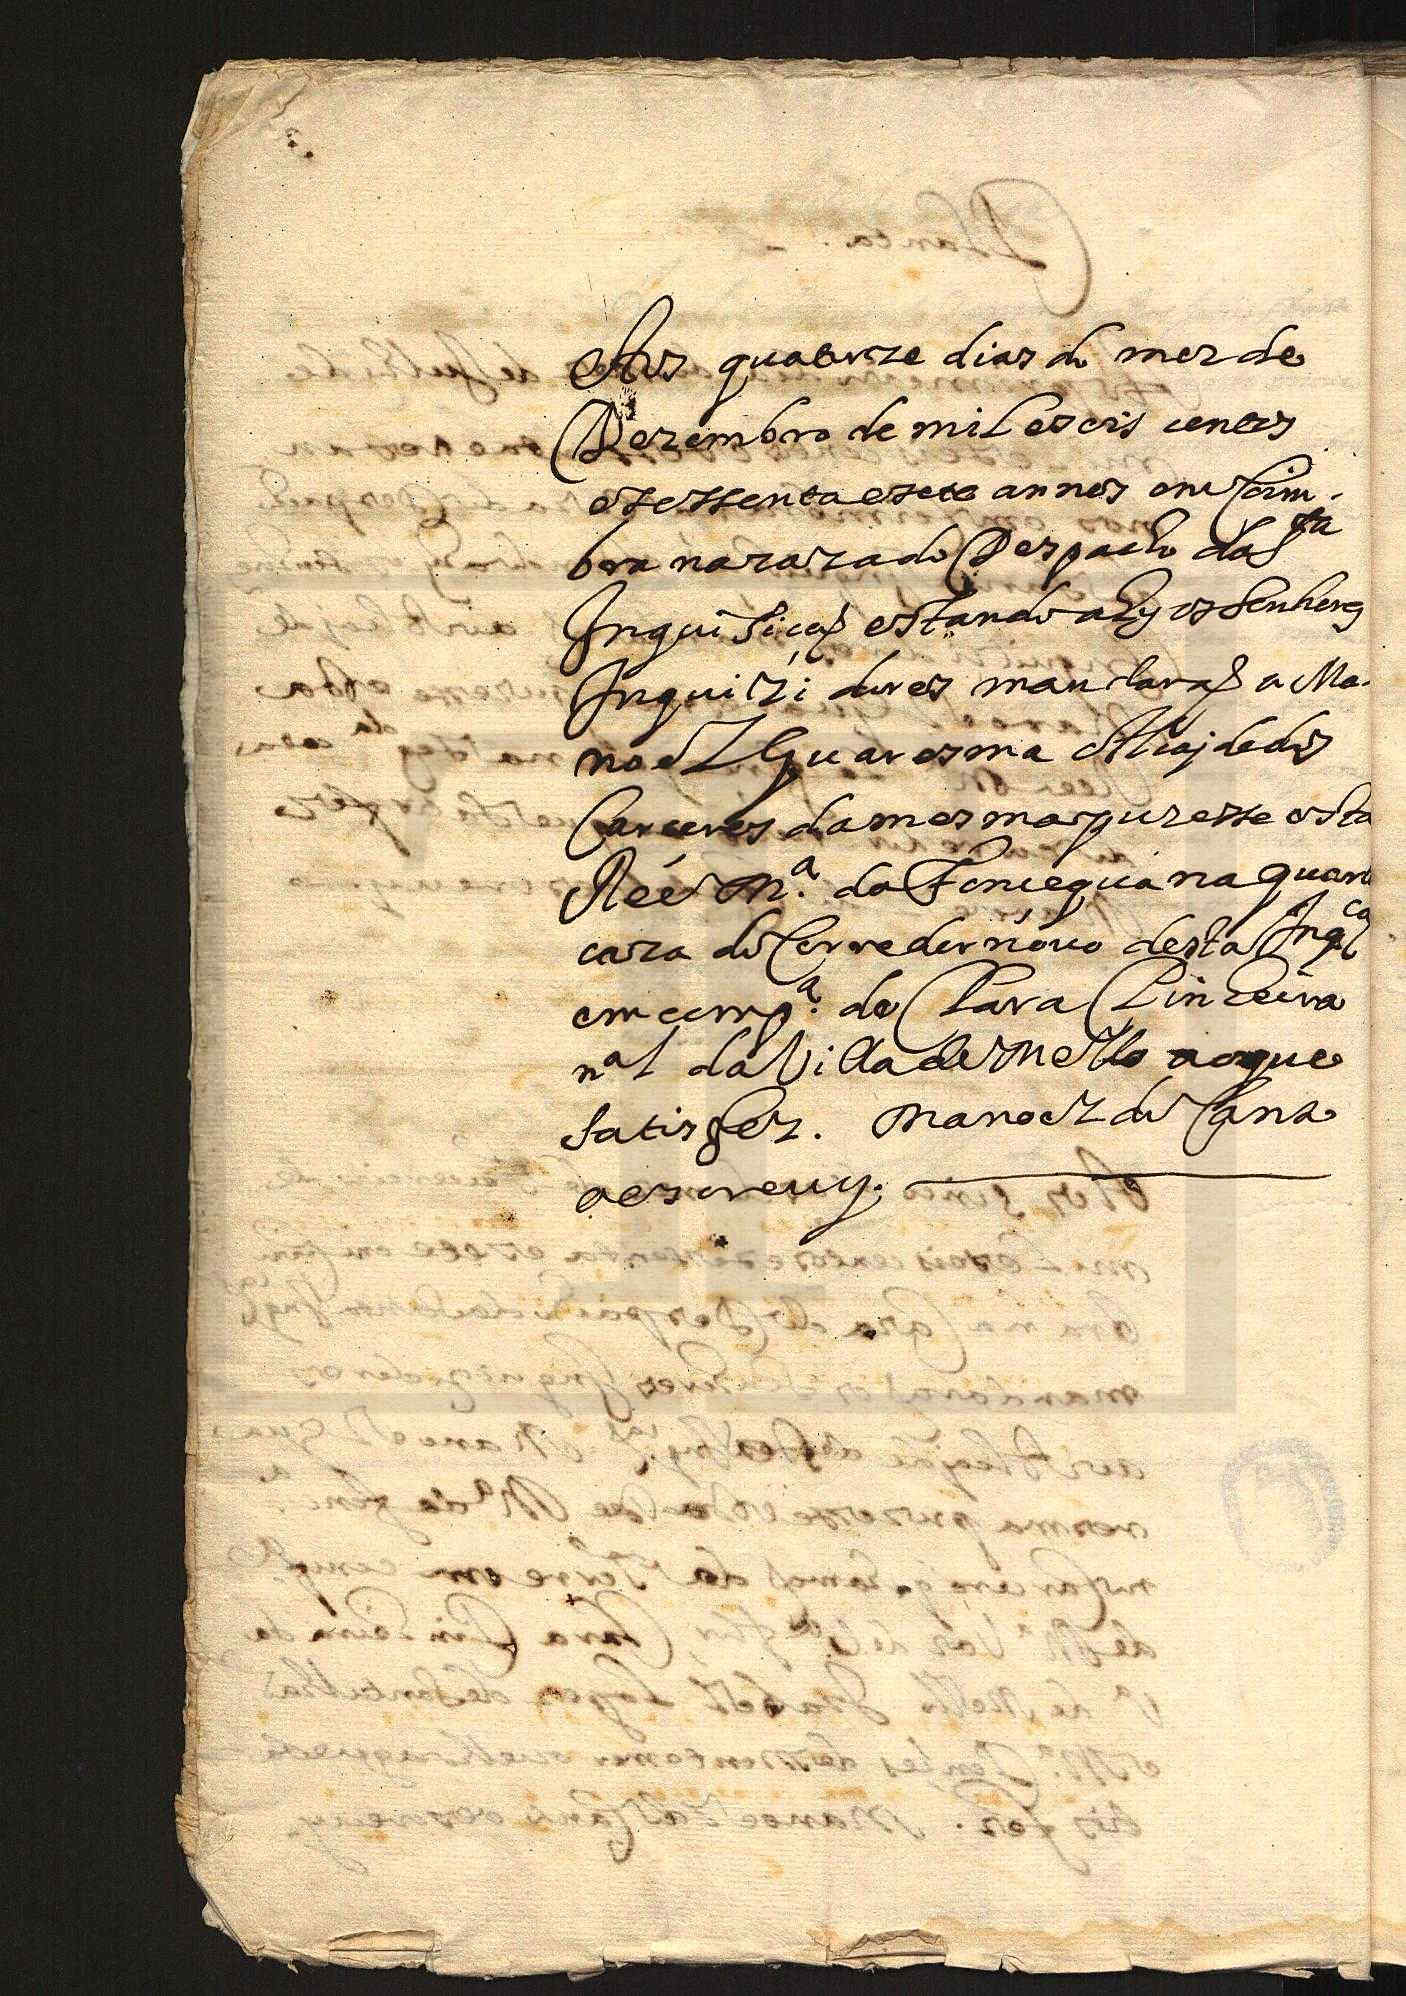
Aos quatorze dias do mez de
Dezembro de mil e seiscentos
e sessenta e sete annos em Coim
bra na caza do Despacho da Sta
Jnquisiçaõ estando ahy os Senhores
Jnquizidores mandaraõ a Ma
noeL Quaresma Alcajde dos
Carceres da mesma puzesse esta
Ree M.a da Foncequa na quart
caza do Corredor nouo desta Jnq.ça
em comp.a de Clara Pinheira
nal da Uilla de Mello ao que
Satisfez. Manoel do Canto
o escreuy.
